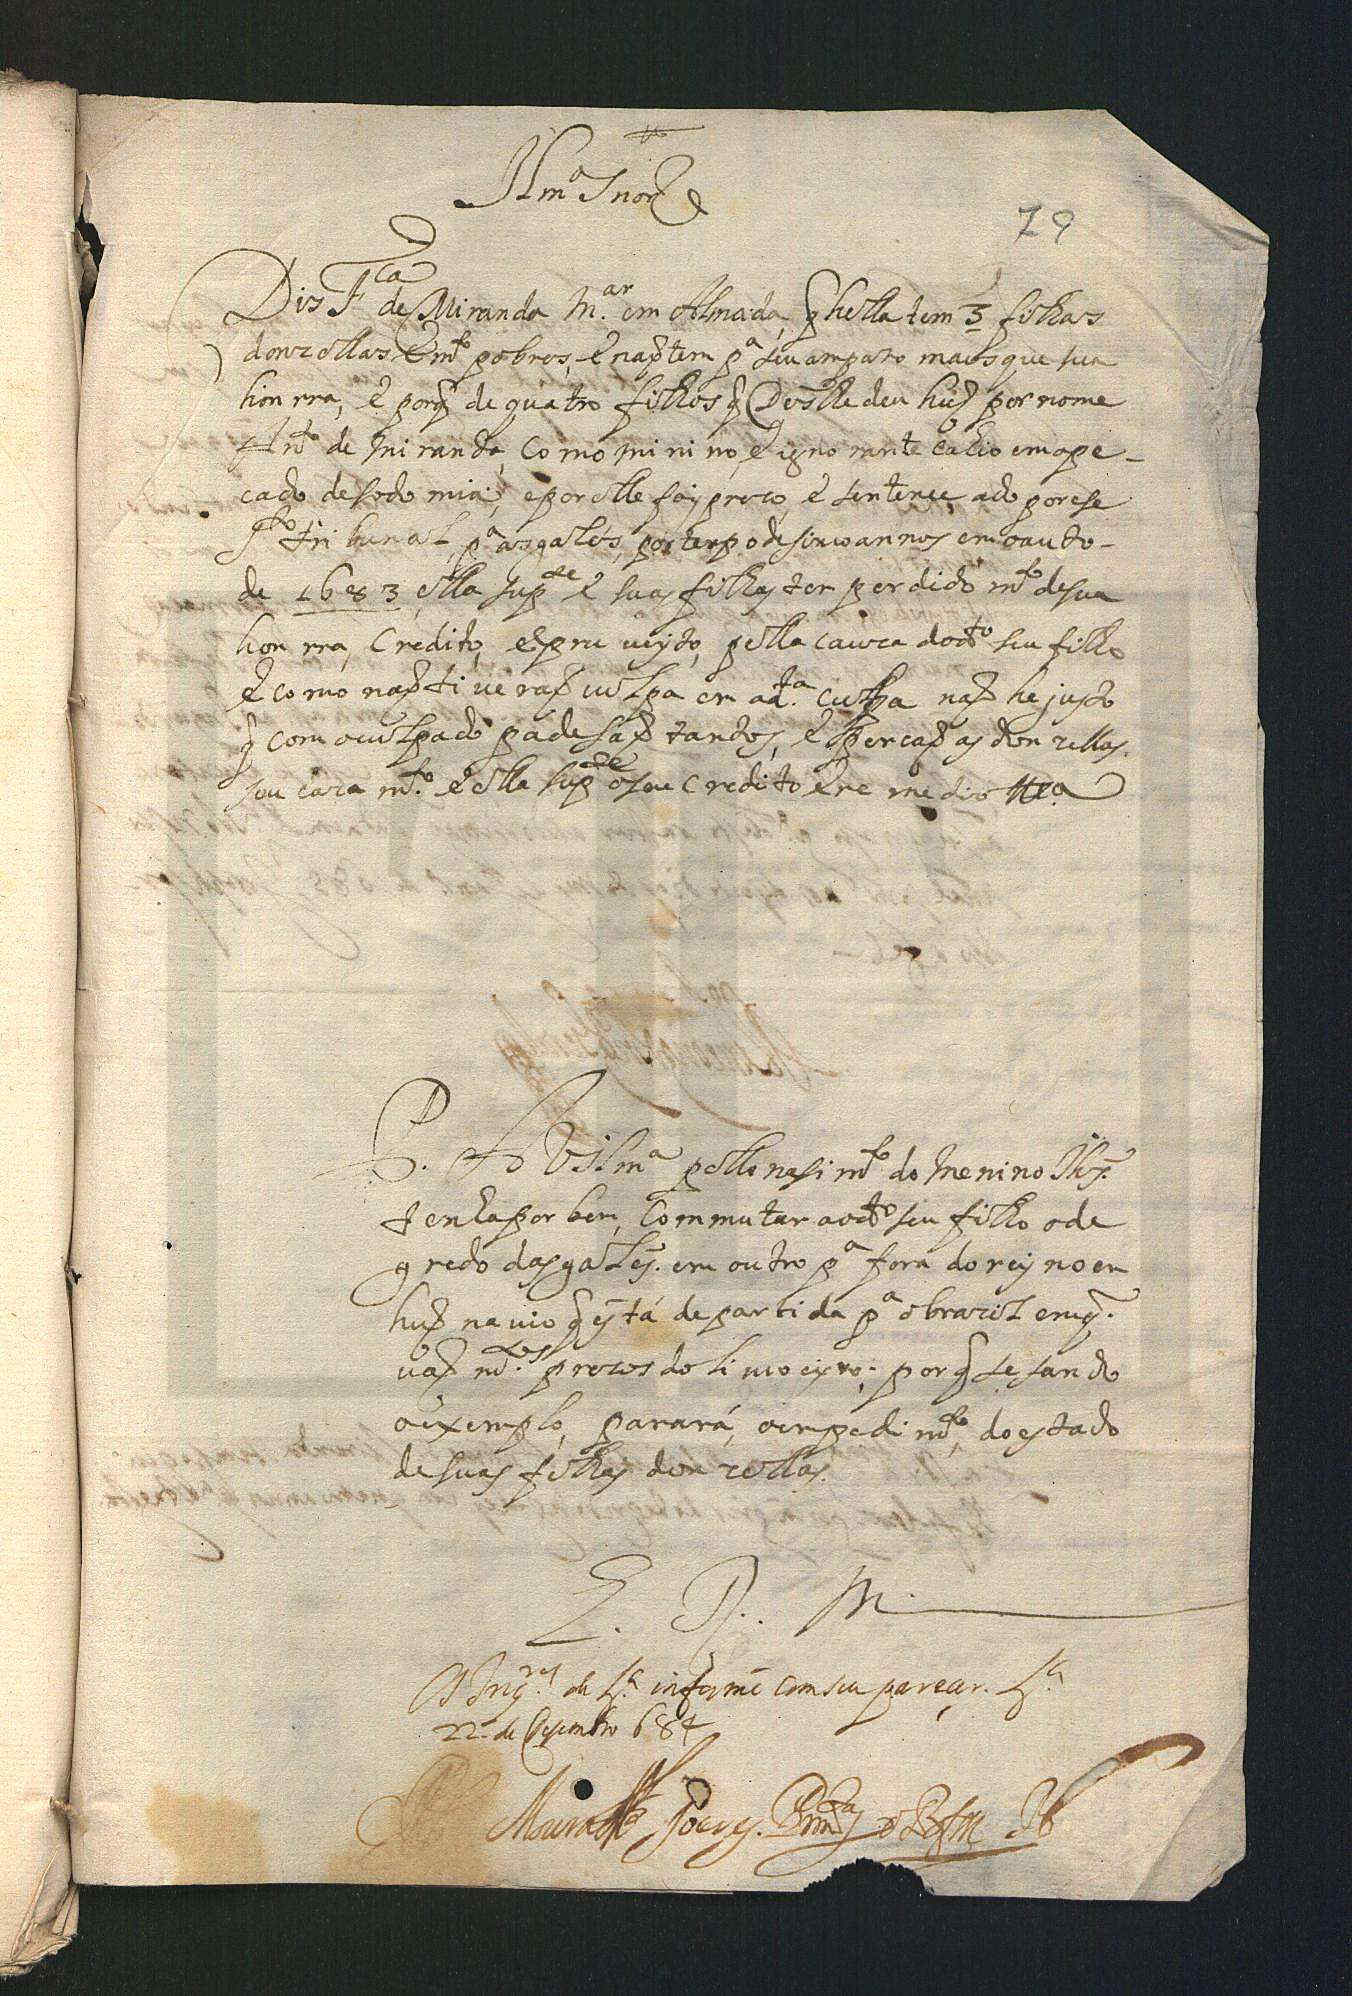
ILmo Snor̄
Dis Fca de Miranda m.ar em Almada, q̄ hella tem 3 filhas
donzellas e mto pobres, e naõ tem pa seu amparo mais que sua
honrra, e porq̄ de quatro filhos q̄ Des̄ lhe deu hū por nome
Anto de Miranda, como minino, e ignorante cahio em o pe
cado de sodomia; e por elle foy prezo, e sentençeado por ese
Sto tribunal, pa as galés, por tenpo de sinco annos em o auto
de 1683, ella supte e suas filhas tem perdido mto de sua
honrra, Credito, e pruueyto, pella cauza do d̄o seu filho
e como naõ tiueraõ culpa em a d̄.a culpa naõ he justo
q̄ com o culpado padesaõ tantos, e percaõ as donzellas
seu cazam.to e ella supte o seu credito e remedio &c.a
P. A V Ilma pello nasimto do menino Ihs̄.
tenha por bem, commutar ao d̄o seu filho o de
gredo das gales̄. em outro pa fora do reyno em
hū nauio q̄ está de partida pa o brazil em q̄.
uaõ m.tos prezos do limoeyro; porq̄ sesando
o exemplo, parará, o impedimto, de estado
de suas filhas donzellas.
E. R. M.
Os Inq.res de Lx.a informē com seu pareçer. Lx.a
22. de Desembro 684
